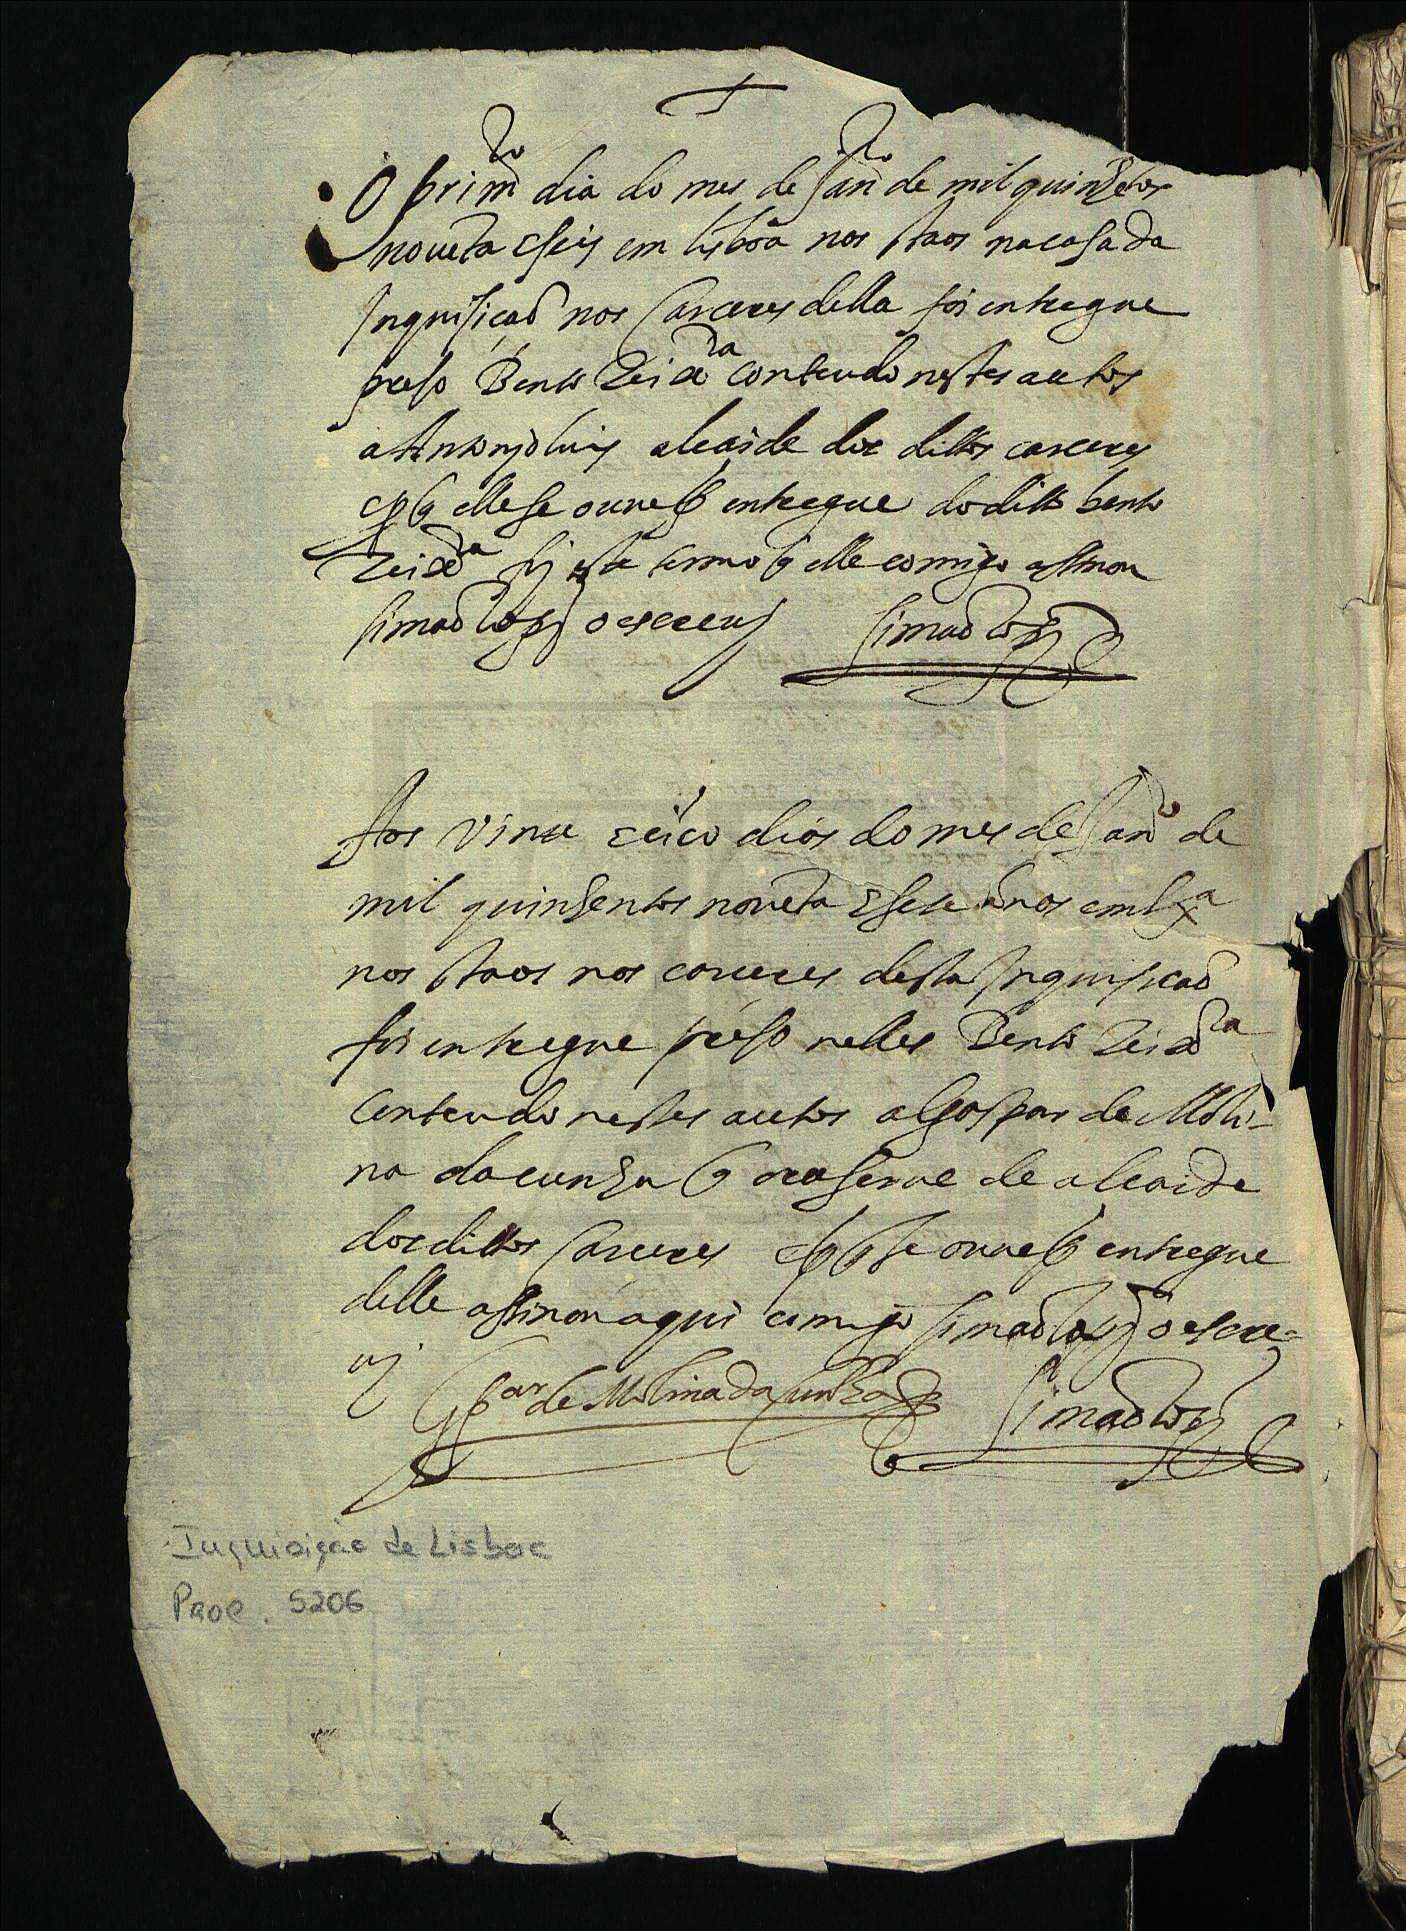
O Primro dia do mes de Janro de mil quinhetos
nouēta E seis em Lisboa nos staos na casa da
Jnquisiçaõ nos Carceres della foi entregue
preso Bento Teixra conteudo nestes autos
a Antonjo luis alcaide dos dittos carceres
e ꝓq̄ elle se ouue p̄ entregue do ditto bento
Teixra fiz este termo q̄ elle comigo assinou
Simaõ Lopz̄ o escreuj
Aos vinte E cic̄o dias do mes e Janro de
mil quinhentos nouēta E sete an̄os em Lxa
nos staos nos carçeres desta Jnquisicaõ
foi entregue preso nelles Bento Teixra
conteudo nestes autos a Gaspar de Moli
na da cunha q̄ ora serue de alcaide
dos dittos Carçeres e p̄q̄ se ouue p̄ entegue
delle assinou aqui comigo Simaõ Lopz̄ o escre
uj
